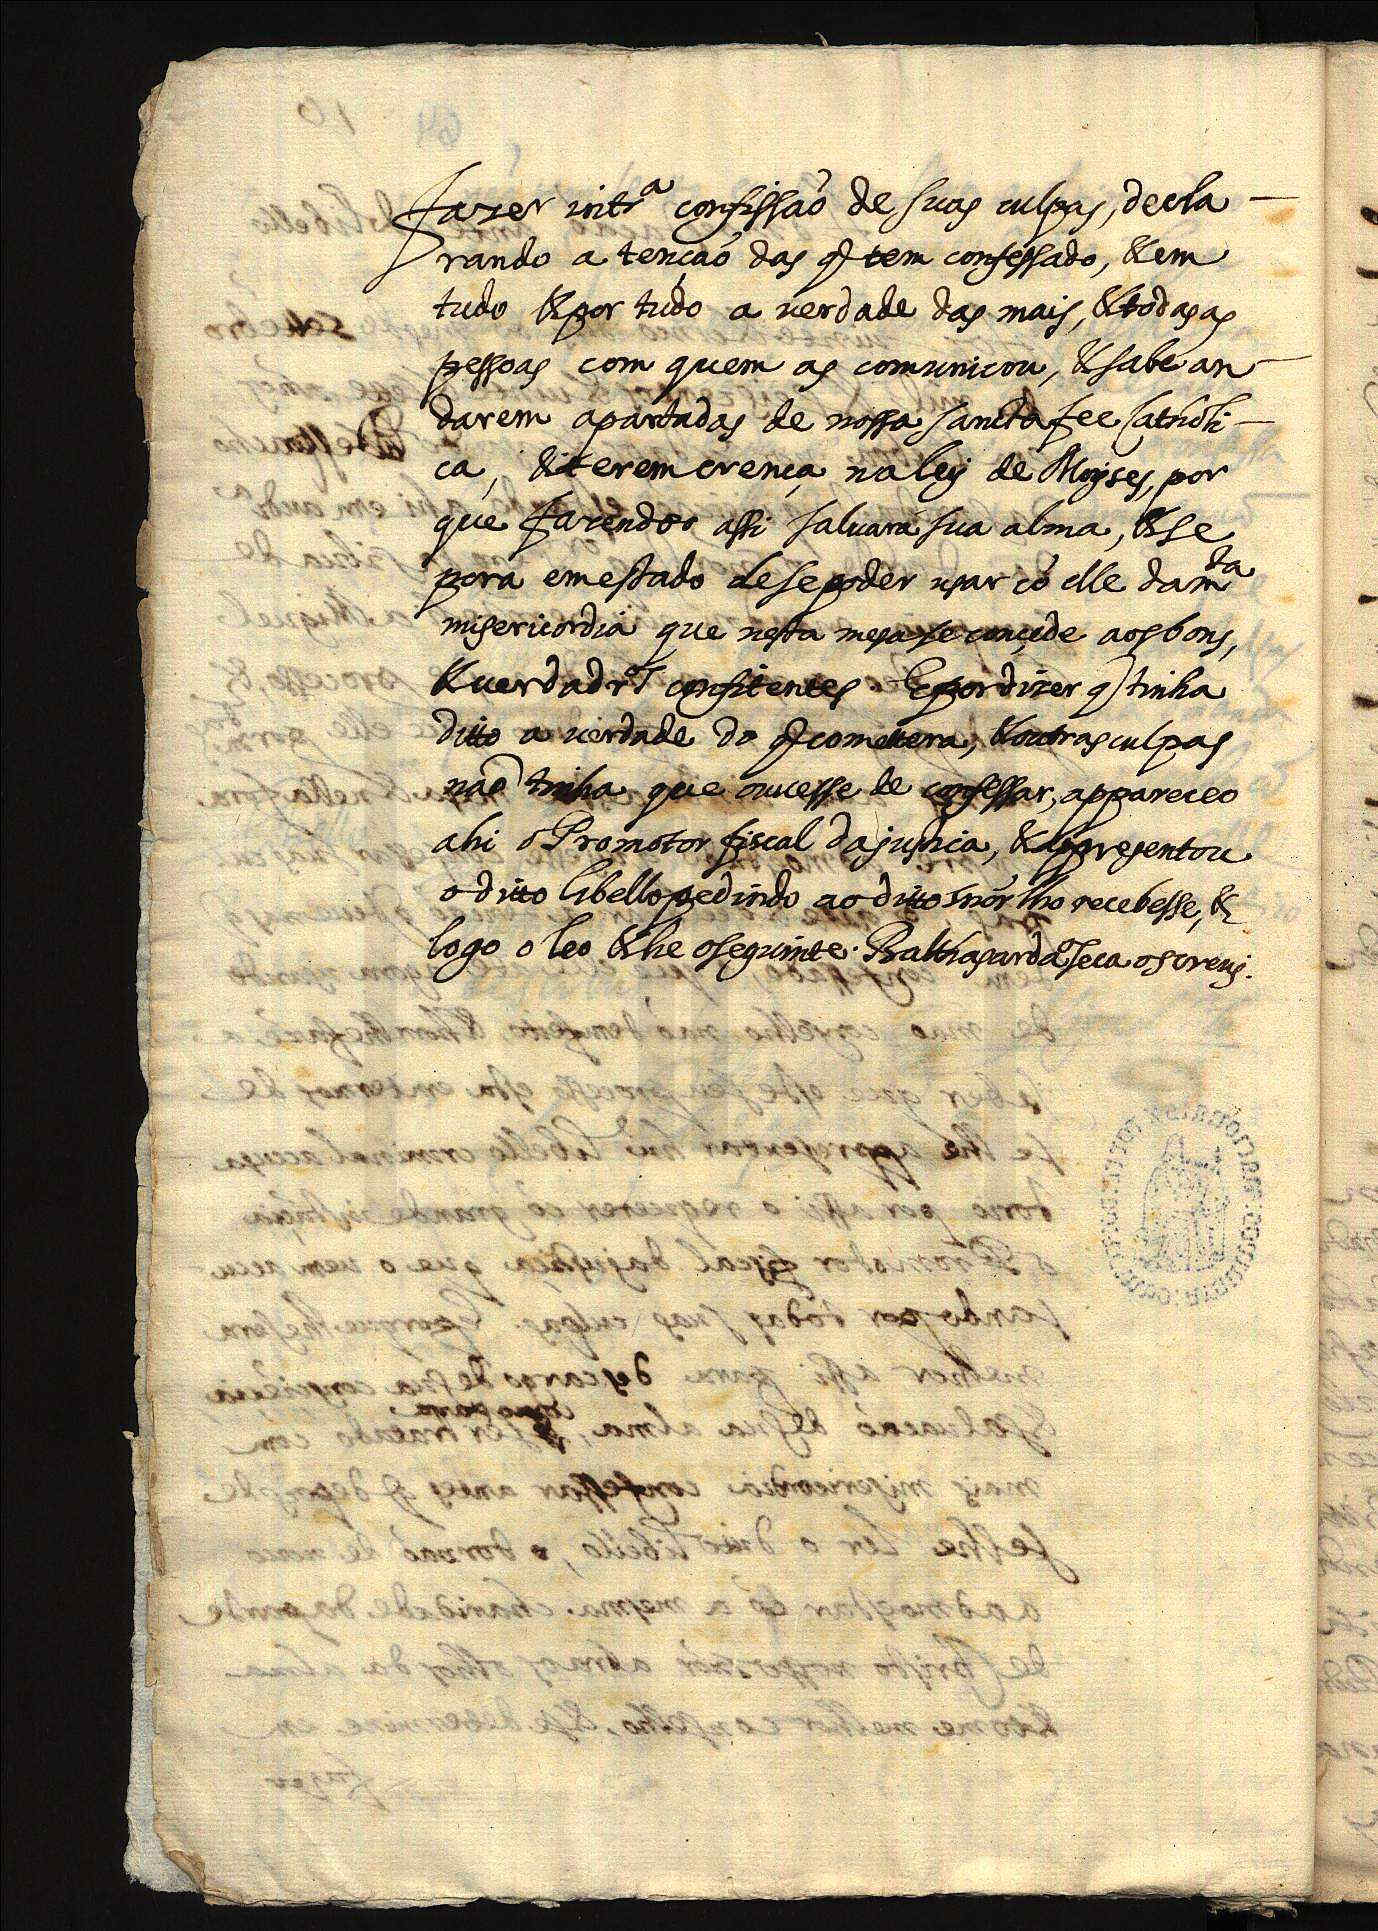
fazer intra confissaõ de suas culpas, decla
rando a tençaõ das q̄ tem confessado, & em
tudo & por tudo a uerdade das mais, & todas as
pessoas com quem as comunicou, & sabe an
darem apartadas de nossa sancta fee Catholi
ca, & terem crença na ley de Moyses, por
que fazendo o assi saluará sua alma, & se
pora em estado de se poder usar cō elle da mta
misericordia que nesta mesa se concede aos bons,
& uerdadros confitentes. E por dizer q̄ tinha
ditto a uerdade do q̄ comettera, & outras culpas
não tinha que ouuesse de confessar, appareceo
ahi o Promotor fiscal da justica, & appresentou
o ditto libello pedindo ao ditto snōr lho recebesse, &
logo o leo & he o seguinte. Balthasar daoseca o escreuj.
